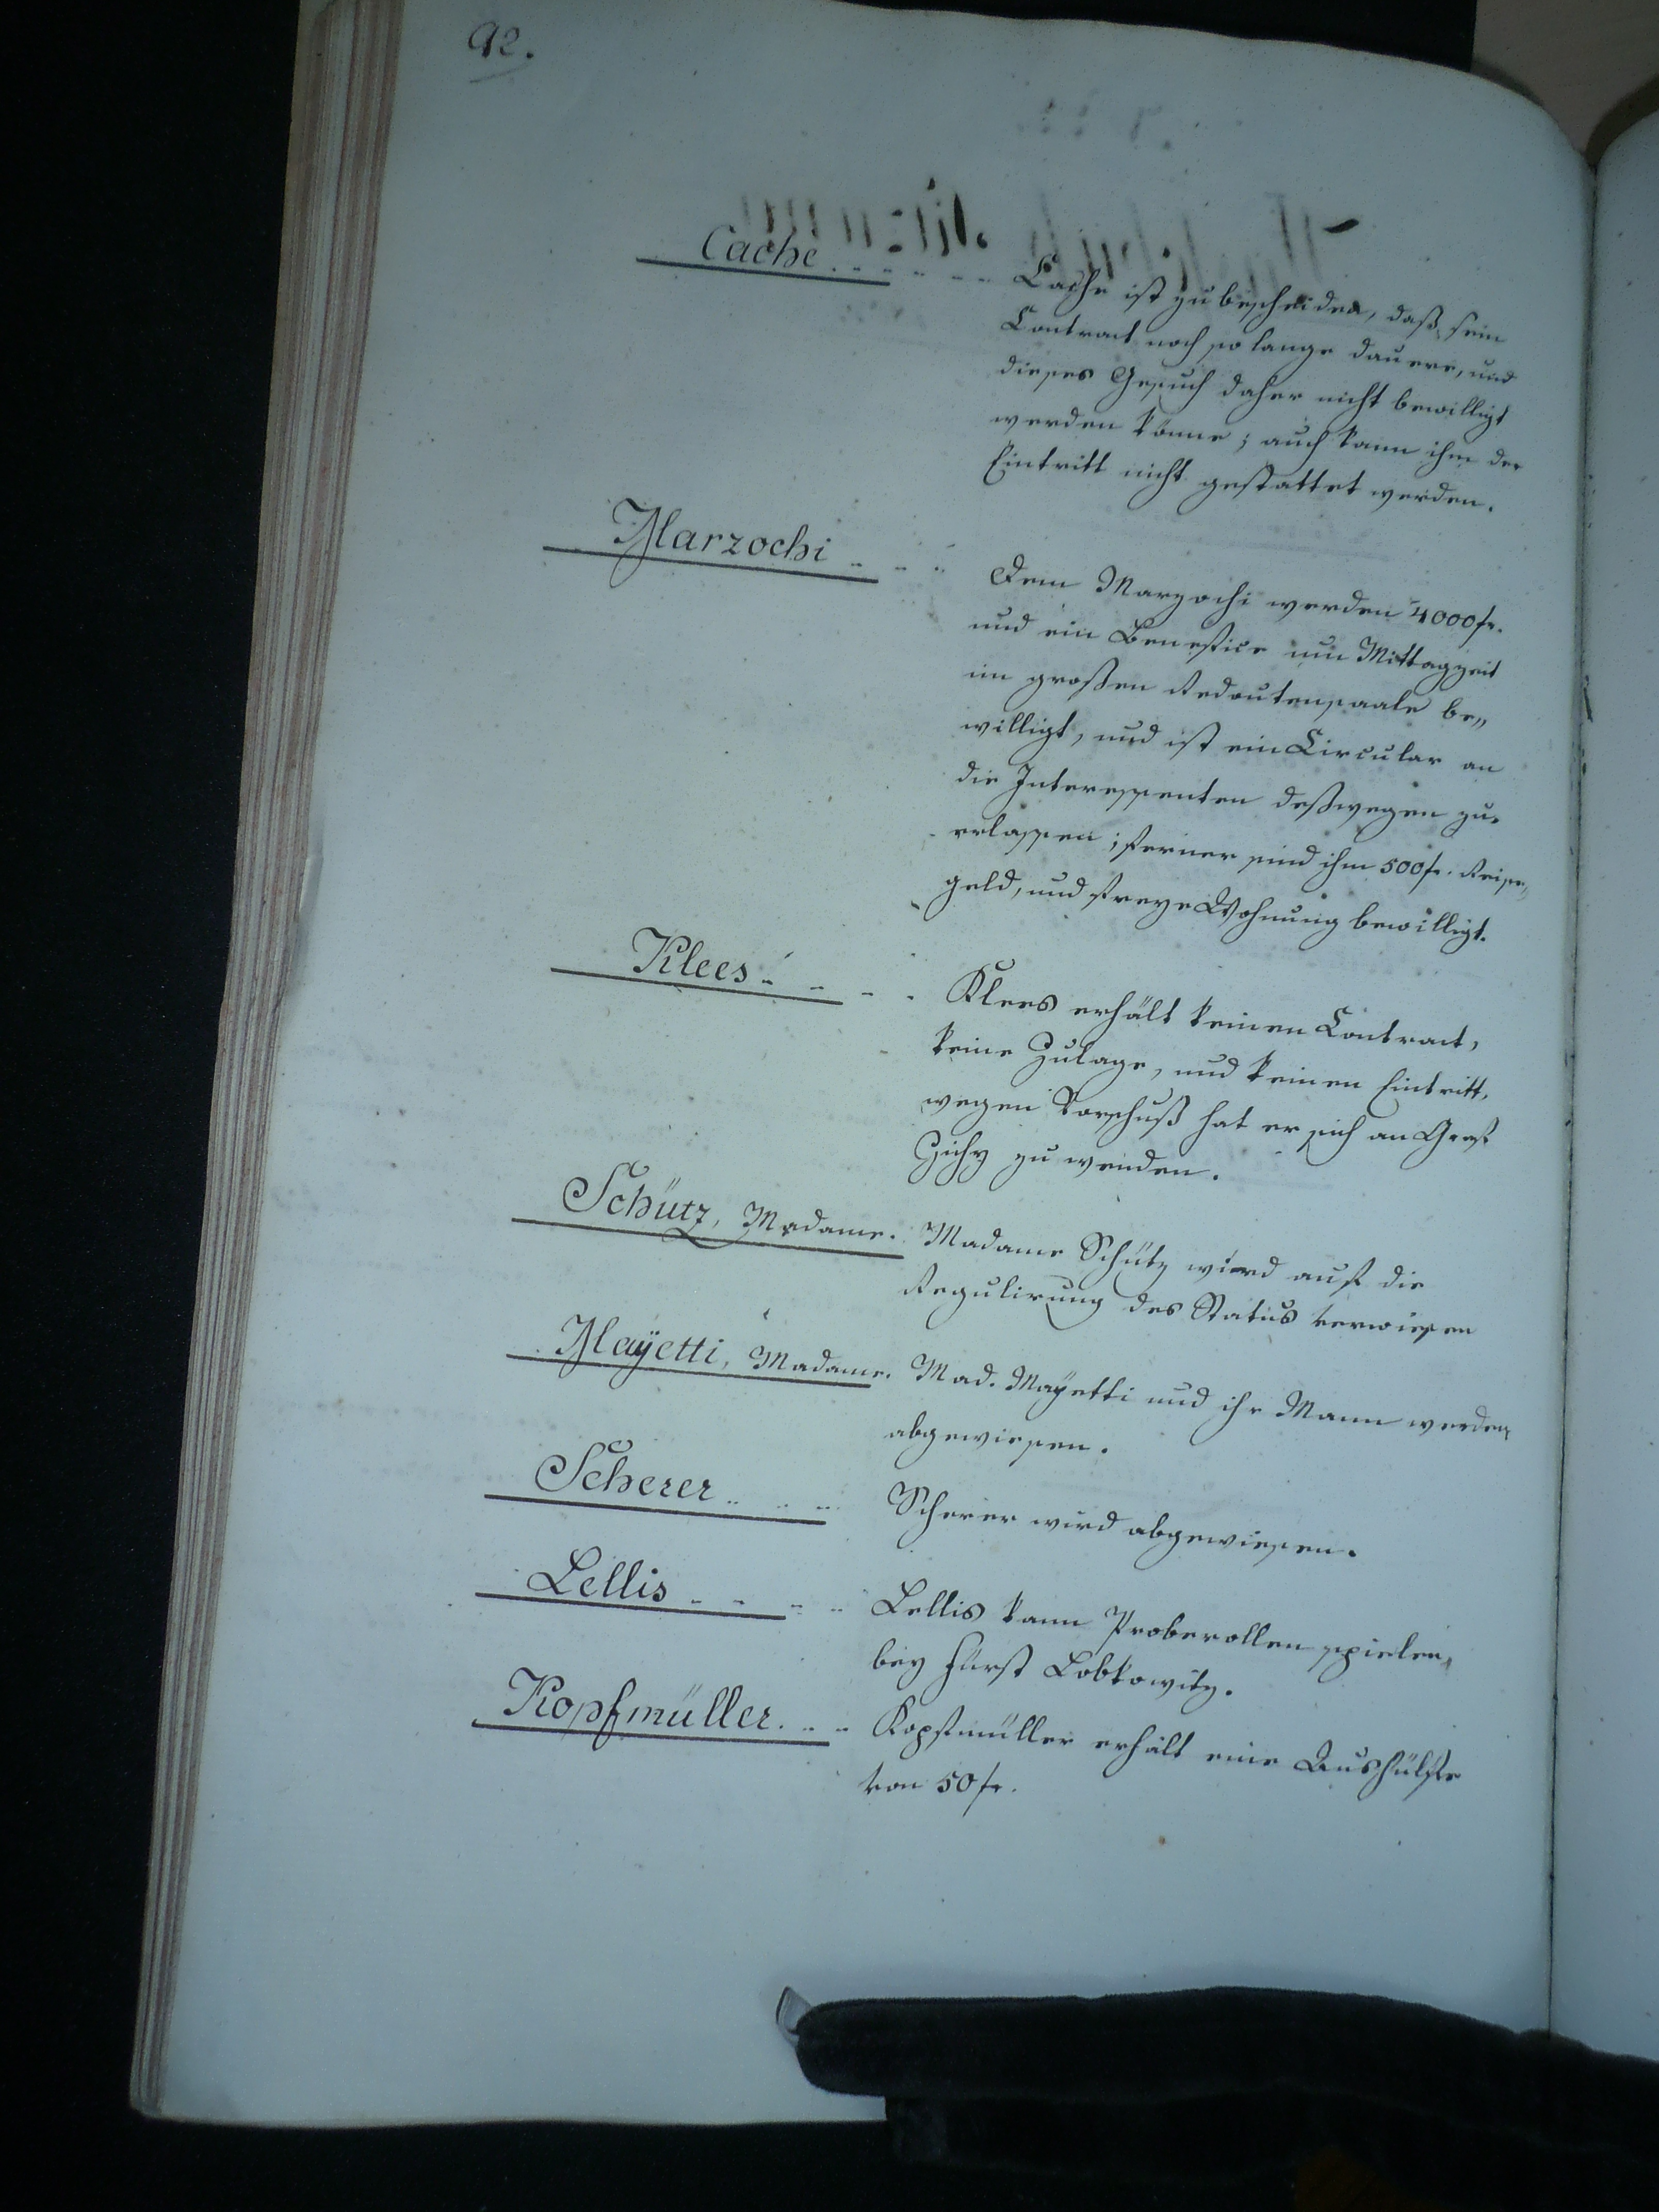92.
Cache. .. .. .. .. .. Cache ist zu bescheiden, daß sein
Contract noch so lange dauere, und
dieses Gesuch daher nicht bewilligt
werden könne; auch kann ihm der
Eintritt nicht gestattet werden.
Marzochi. .. .. .. Dem Marzochi werden 4000fr.
und ein Benefice um Mittagzeit
im großen Redoutensaale be¬
willigt, und ist ein Circular an
die Interessenten deßwegen zu¬
erlassen; ferner sind ihm 500fr. Reise¬
geld, und freye Wohnung bewilligt.
Klees .. .. .. .. Klees erhält keinen Contract,
keine Zulage, und keinen Eintritt,
wegen Vorschuß hat er sich an Graf
Zichy zu wenden.
Schütz, Madame. Madame Schütz wird auf die
Regulirung des Status verwiesen
Maÿetti, Madame. Mad. Maÿetti und ihr Mann werden
abgewiesen.
Scherer .. .. .. Scherer wird abgewiesen.
Lellis .. .. .. .. Lellis kann Proberollen spielen,
bey Fürst Lobkowitz.
Kopfmüller. .. .. Kopfmüller erhält eine Aushülfe
von 50 fr.